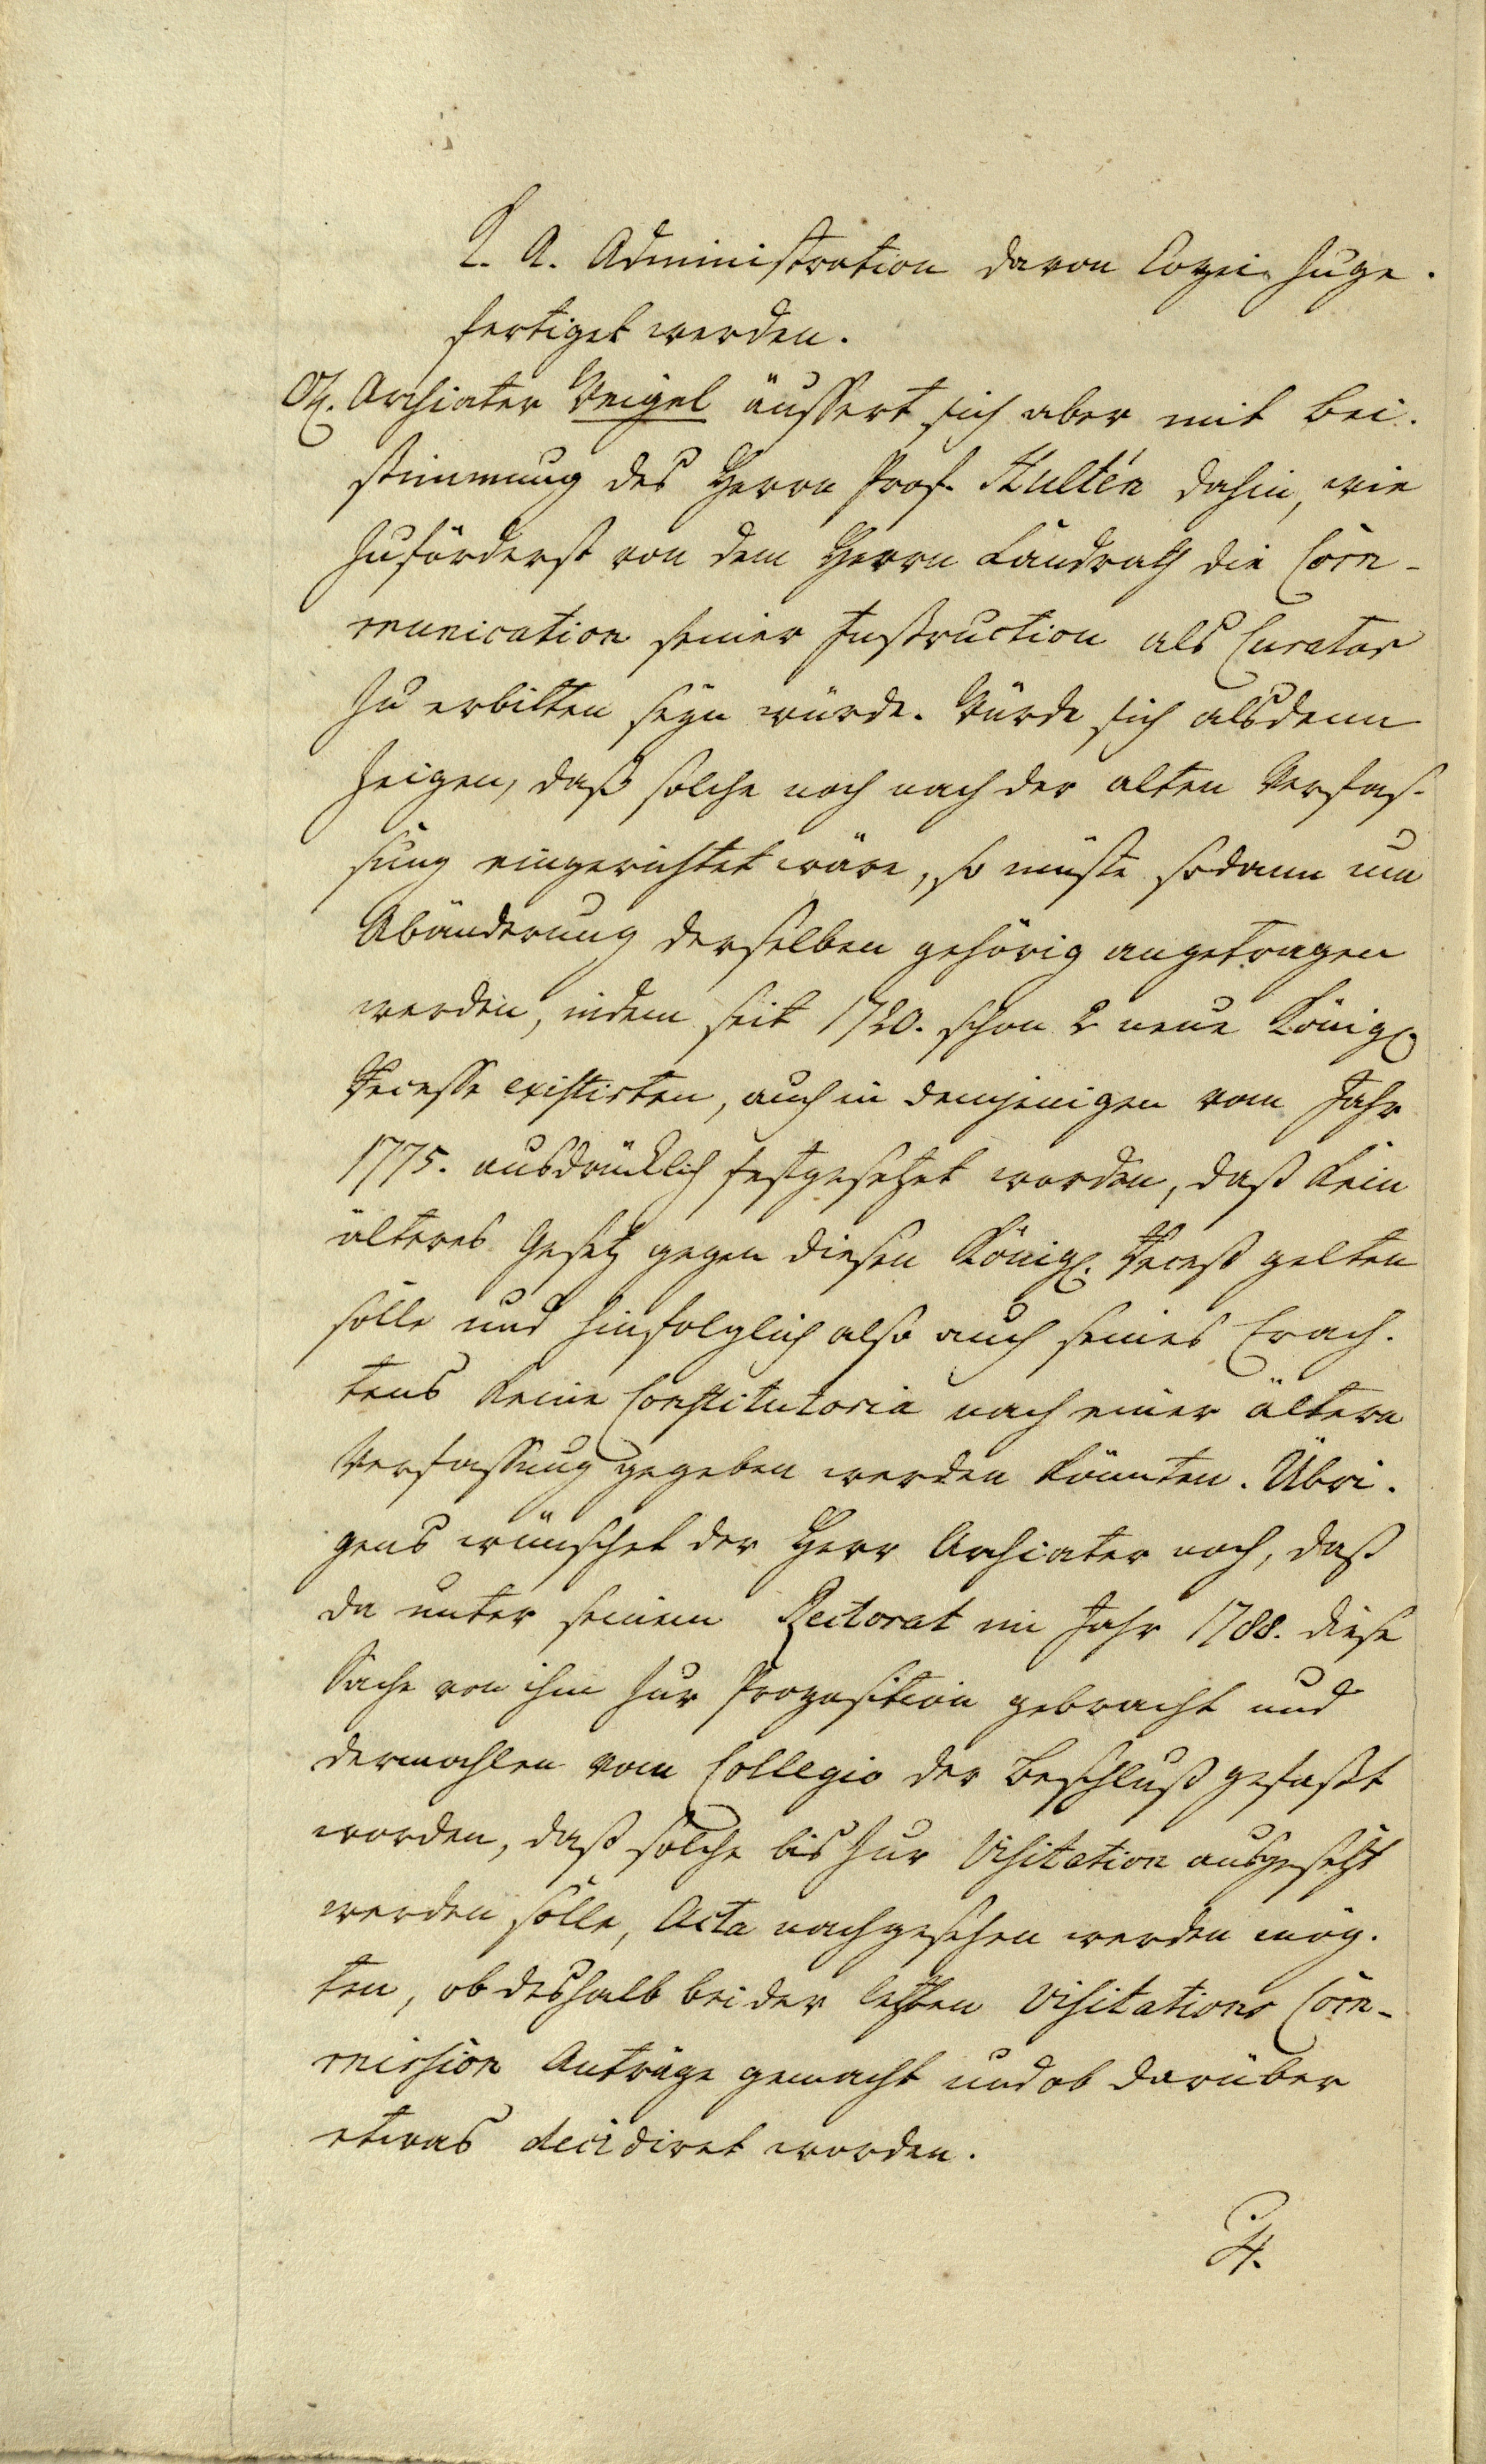K. A. Administration davon Copei zuge¬
fertiget werden.
dh. Archiater Weigel äussert sich aber mit Bei¬
stimmung des Herrn Prof. Hultén dahin, wie
zuförderst von dem Herrn Landrath die Com¬
munication seiner Instruction als Curator
zu erbitten seÿn würde. Würde sich alsdenn
zeigen, daß solche noch nach der alten Verfas¬
sung eingerichtet wäre, so müßte sodann um
Abänderung derselben gehörig angetragen
werden, indem seit 1720. schon 2 neue Königl.
Recesse existirten, auch in demjenigen vom Jahr
1775. ausdrücklich festgesetzet worden, daß kein
älteres Gesetz gegen diesen Königl. Receß gelten
solle und hinfolglich also auch seines Erach¬
tens keine Constitutoria nach einer ältern
Verfassung gegeben werden könnten. Übri¬
gens wünsche der Herr Archiater noch, daß
da unter seinem Rectorat im Jahr 1788. diese
Sache von ihm zur Proposition gebracht und
dermahlen vom Collegio der Beschluß gefaßt
worden, daß solche bis zur Visitation ausgesetzt
werden solle, Acta nachgesehen werden mög¬
ten, ob deshalb bei der letzten Visitations Com¬
mission Anträge gemacht und ob darüber
etwas decidiret worden.
4.